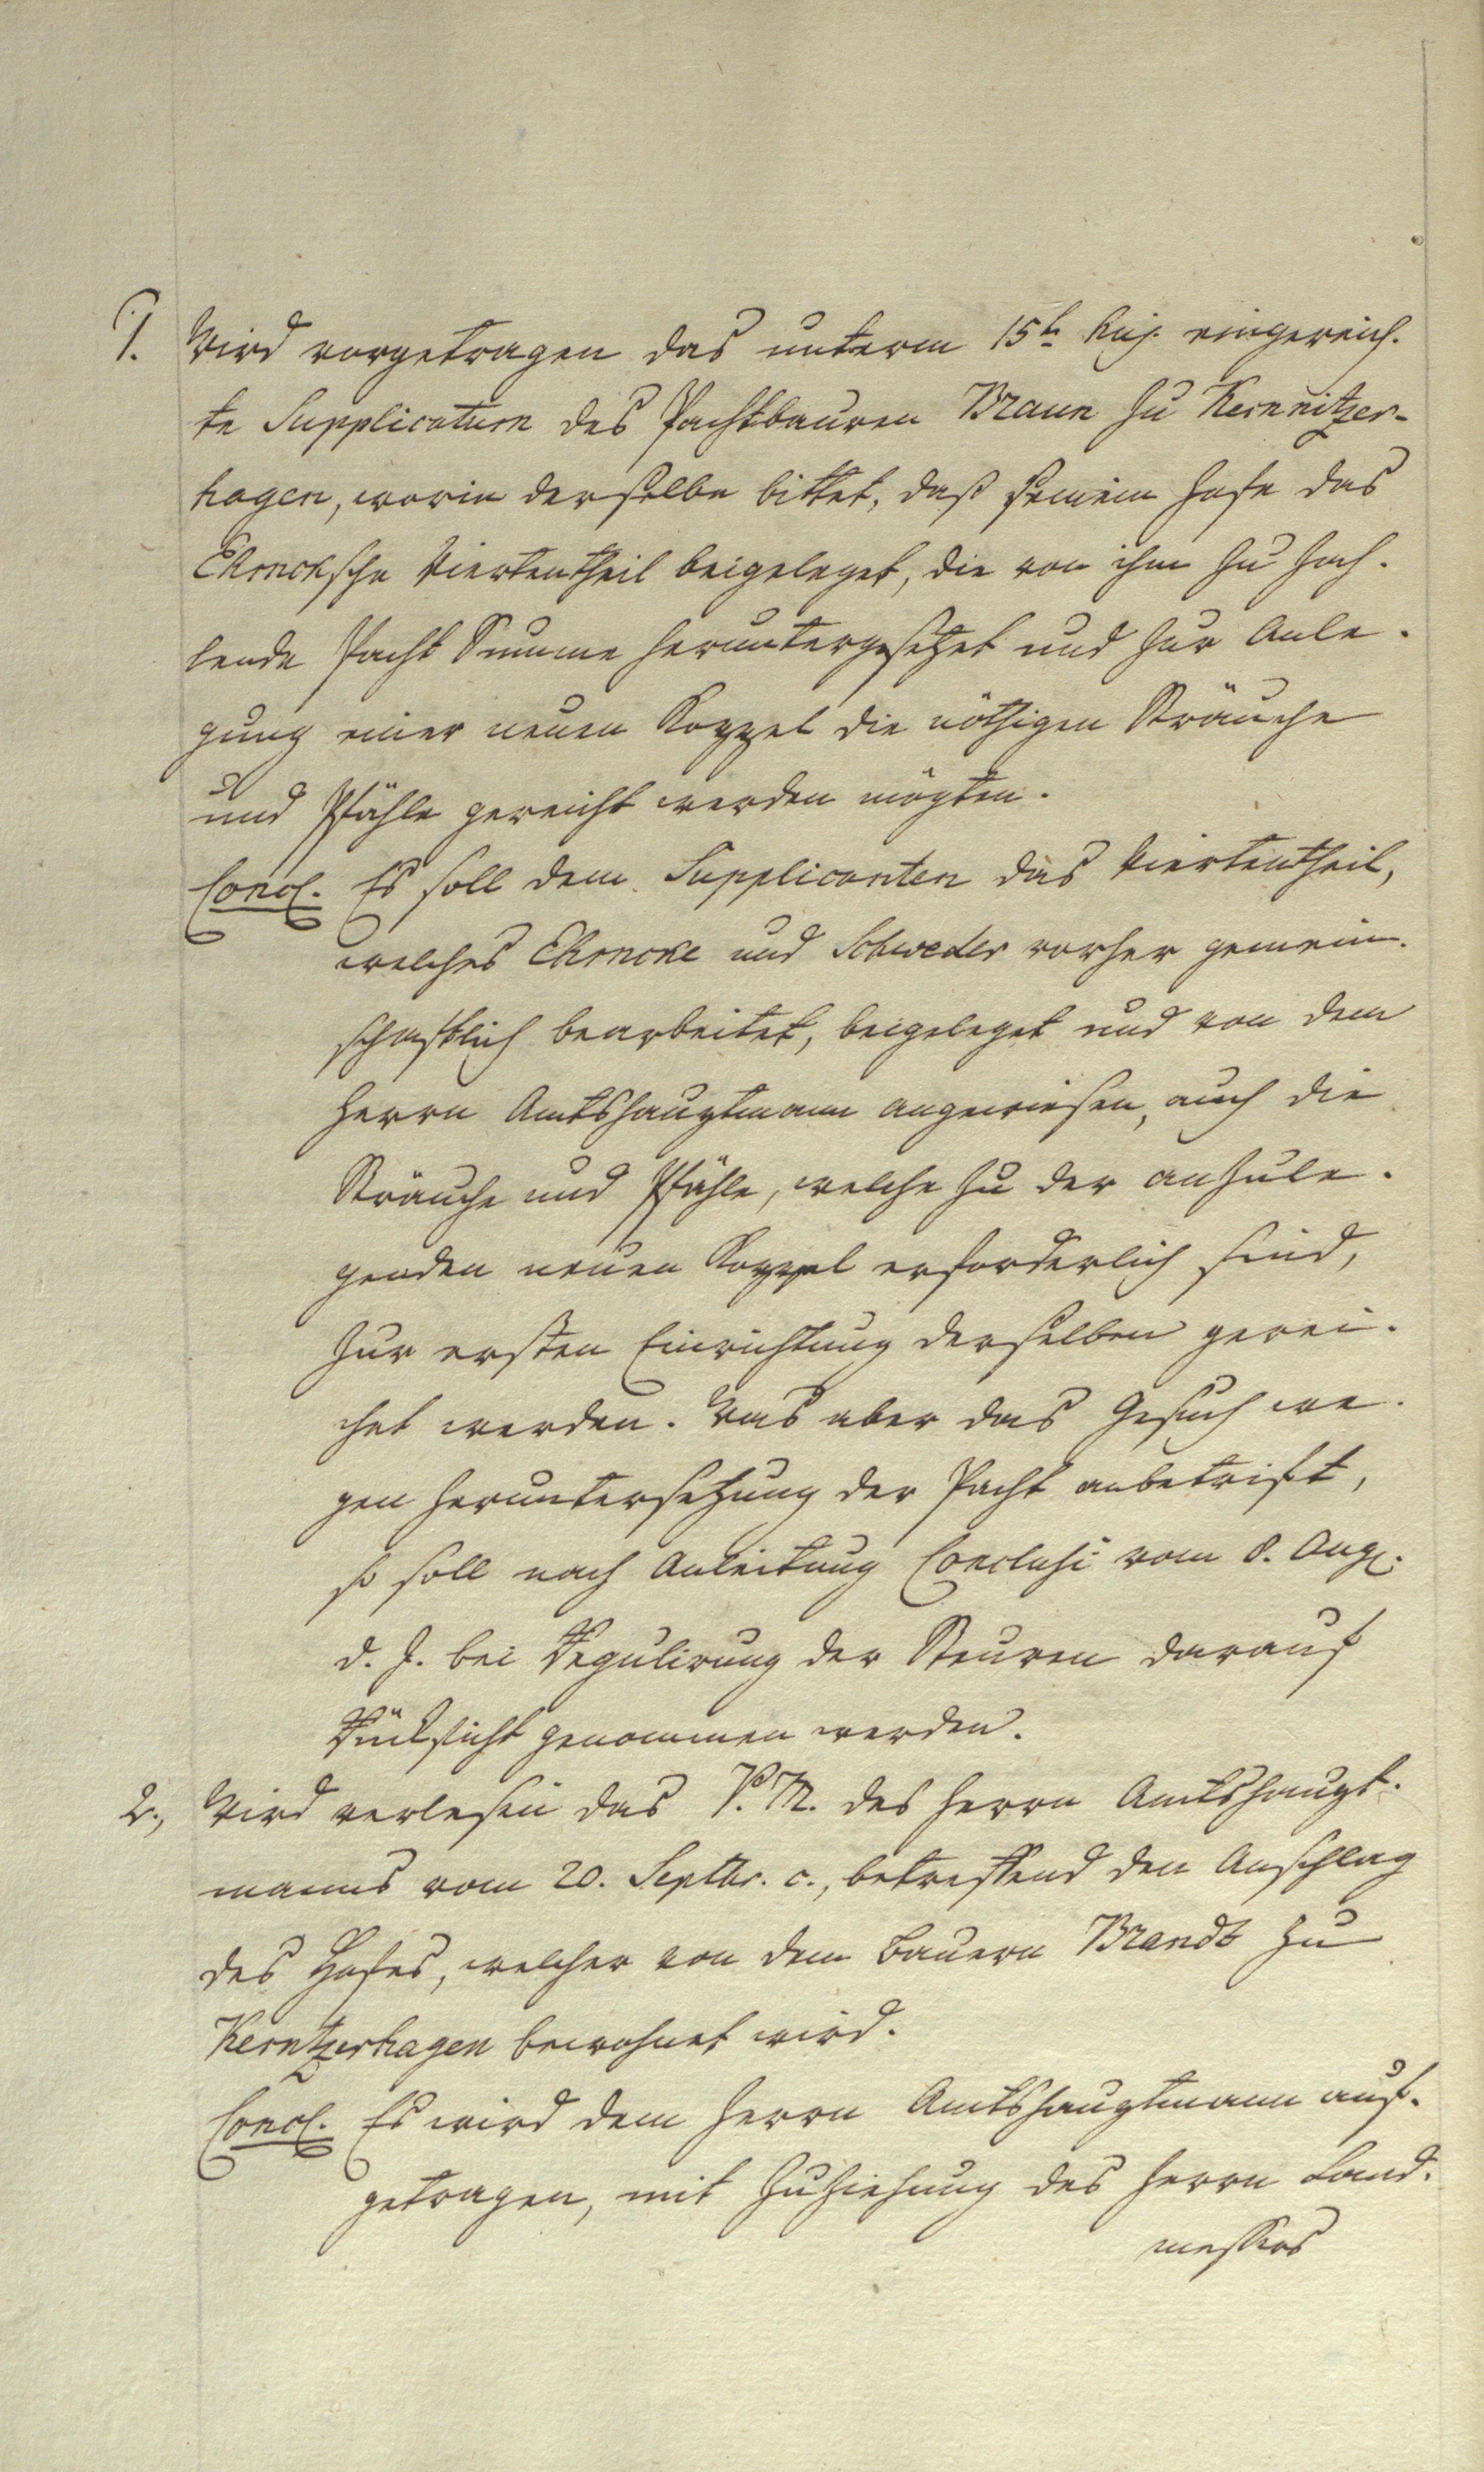1. Wird vorgetragen das unterm 15 te huj. eingereich¬
te Supplicatum des Pachtbauren Braun zu Kemnitzer¬
hagen, worin derselbe bittet, daß seinem Hofe das
Ehmcksche Viertentheil beigeleget, die von ihm zu zah¬
lende Pacht Summe heruntergesetzet und zur Anle¬
gung einer neuen Koppel die nöthigen Sträuche
und Pfähle gereicht werden mögten.
Concl. Es soll dem Supplicanten das Viertentheil,
welches Ehmcke und Schweder vorher gemein¬
schaftlich bearbeitet, beigeleget und von dem
Herrn Amtshauptmann angewiesen, auch die
Sträuche und Pfähle, welche zu der anzule¬
genden neuen Koppel erforderlich sind,
zur ersten Einrichtung derselben gerei¬
chet werden. Was aber das Gesuch we¬
gen Heruntersetzung der Pacht anbetrift,
so soll nach Anleitung Conclusi vom 8. Aug.
d. J. bei Regulirung der Steuren darauf
Rücksicht genommen werden.
2., Wird verlesen das P. M. des Herrn Amtshaupt¬
manns vom 20. Septbr. c., betreffend den Anschlag
des Hofes, welcher von dem Bauern Brandt zu
Kemtzerhagen bewohnet wird.
Concl. Es wird dem Herrn Amtshauptmann auf¬
getragen, mit Zuziehung des Herrn Land¬
messers